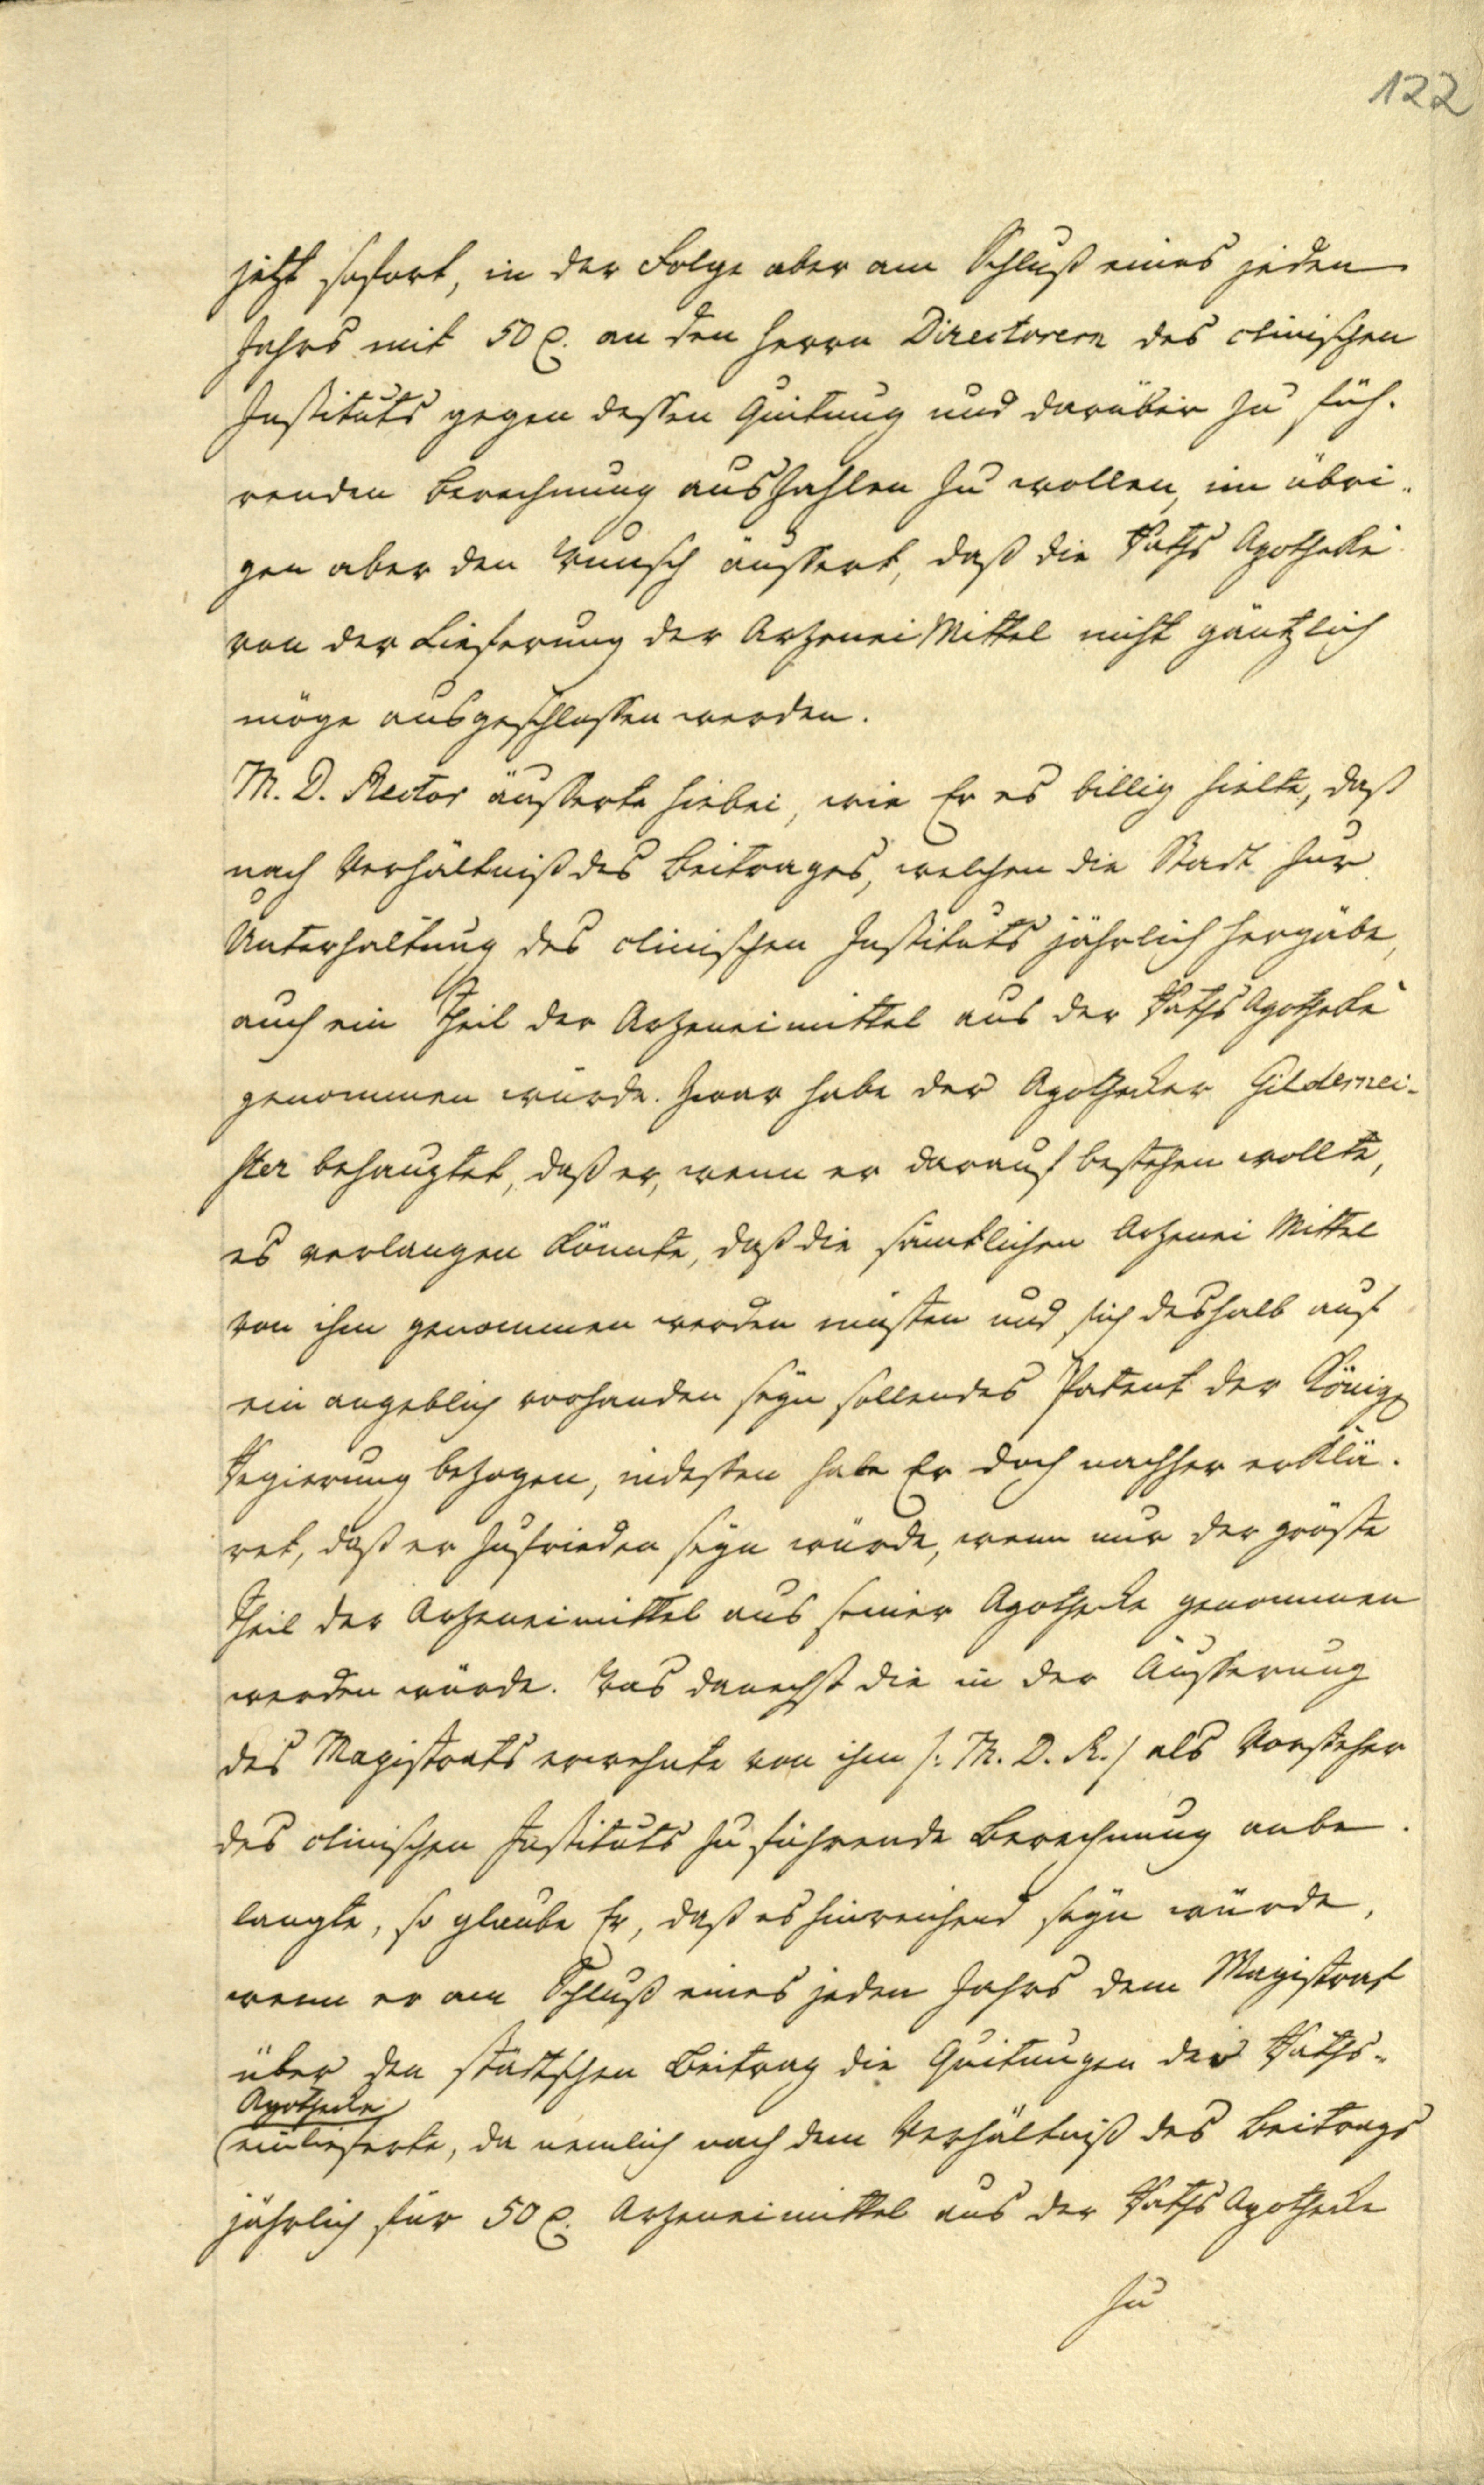jetzt sofort, in der Folge aber am Schluß eines jeden
Jahres mit 50 l. an den Herrn Directorem des clinischen
Instituts gegen dessen Quitung und darüber zu füh¬
renden Berechnung auszahlen zu wollen im übri¬
gen aber den Wunsch äussert, daß die Raths Apotheke
von der Lieferung der ArzeneiMittel nicht gäntzlich
möge ausgeschlossen werden.
M. D. Rector äusserte hiebei, wie Er es billig hielte, daß
nach Verhältniß des Beitrages, welchen die Stadt zur
Unterhaltung des clinischen Instituts jährlich hergäbe
auch ein Theil der Arzeneimittel aus der Raths Apotheke
genommen würde. Zwar habe der Apothecker Gildemei¬
ster behauptet, daß er, wenn er darauf bestehen wollte,
es verlangen könnte, daß die sämtlichen Arzenei Mittel
von ihm genommen werden müsten und sich deshalb auf
ein angeblich vorhanden seÿn sollendes Patent der Königl.
Regierung bezogen, indessen habe Er doch nachher erklä¬
ret, daß er zufrieden seÿn würde, wenn nur der größte
Theil der Arzeneimittel aus seiner Apothecke genommen
werden würde. Was danechst die in der Äusserung
des Magistrats erwehnte von ihm /: M. D. R./ als Vorsteher
des clinischen Instituts zu führende Berechnung anbe¬
langte, so glaube Er, daß es hinreichend seÿn würde,
wenn er am Schluß eines jeden Jahres dem Magistrat
über den städtischen Beitrag die Quitungen der Raths¬
Apothecke einlieferte, da nemlich nach dem Verhältiß des Beitrags
jährlich für 50 l. Arzeneimittel aus der Raths Apothecke
zu